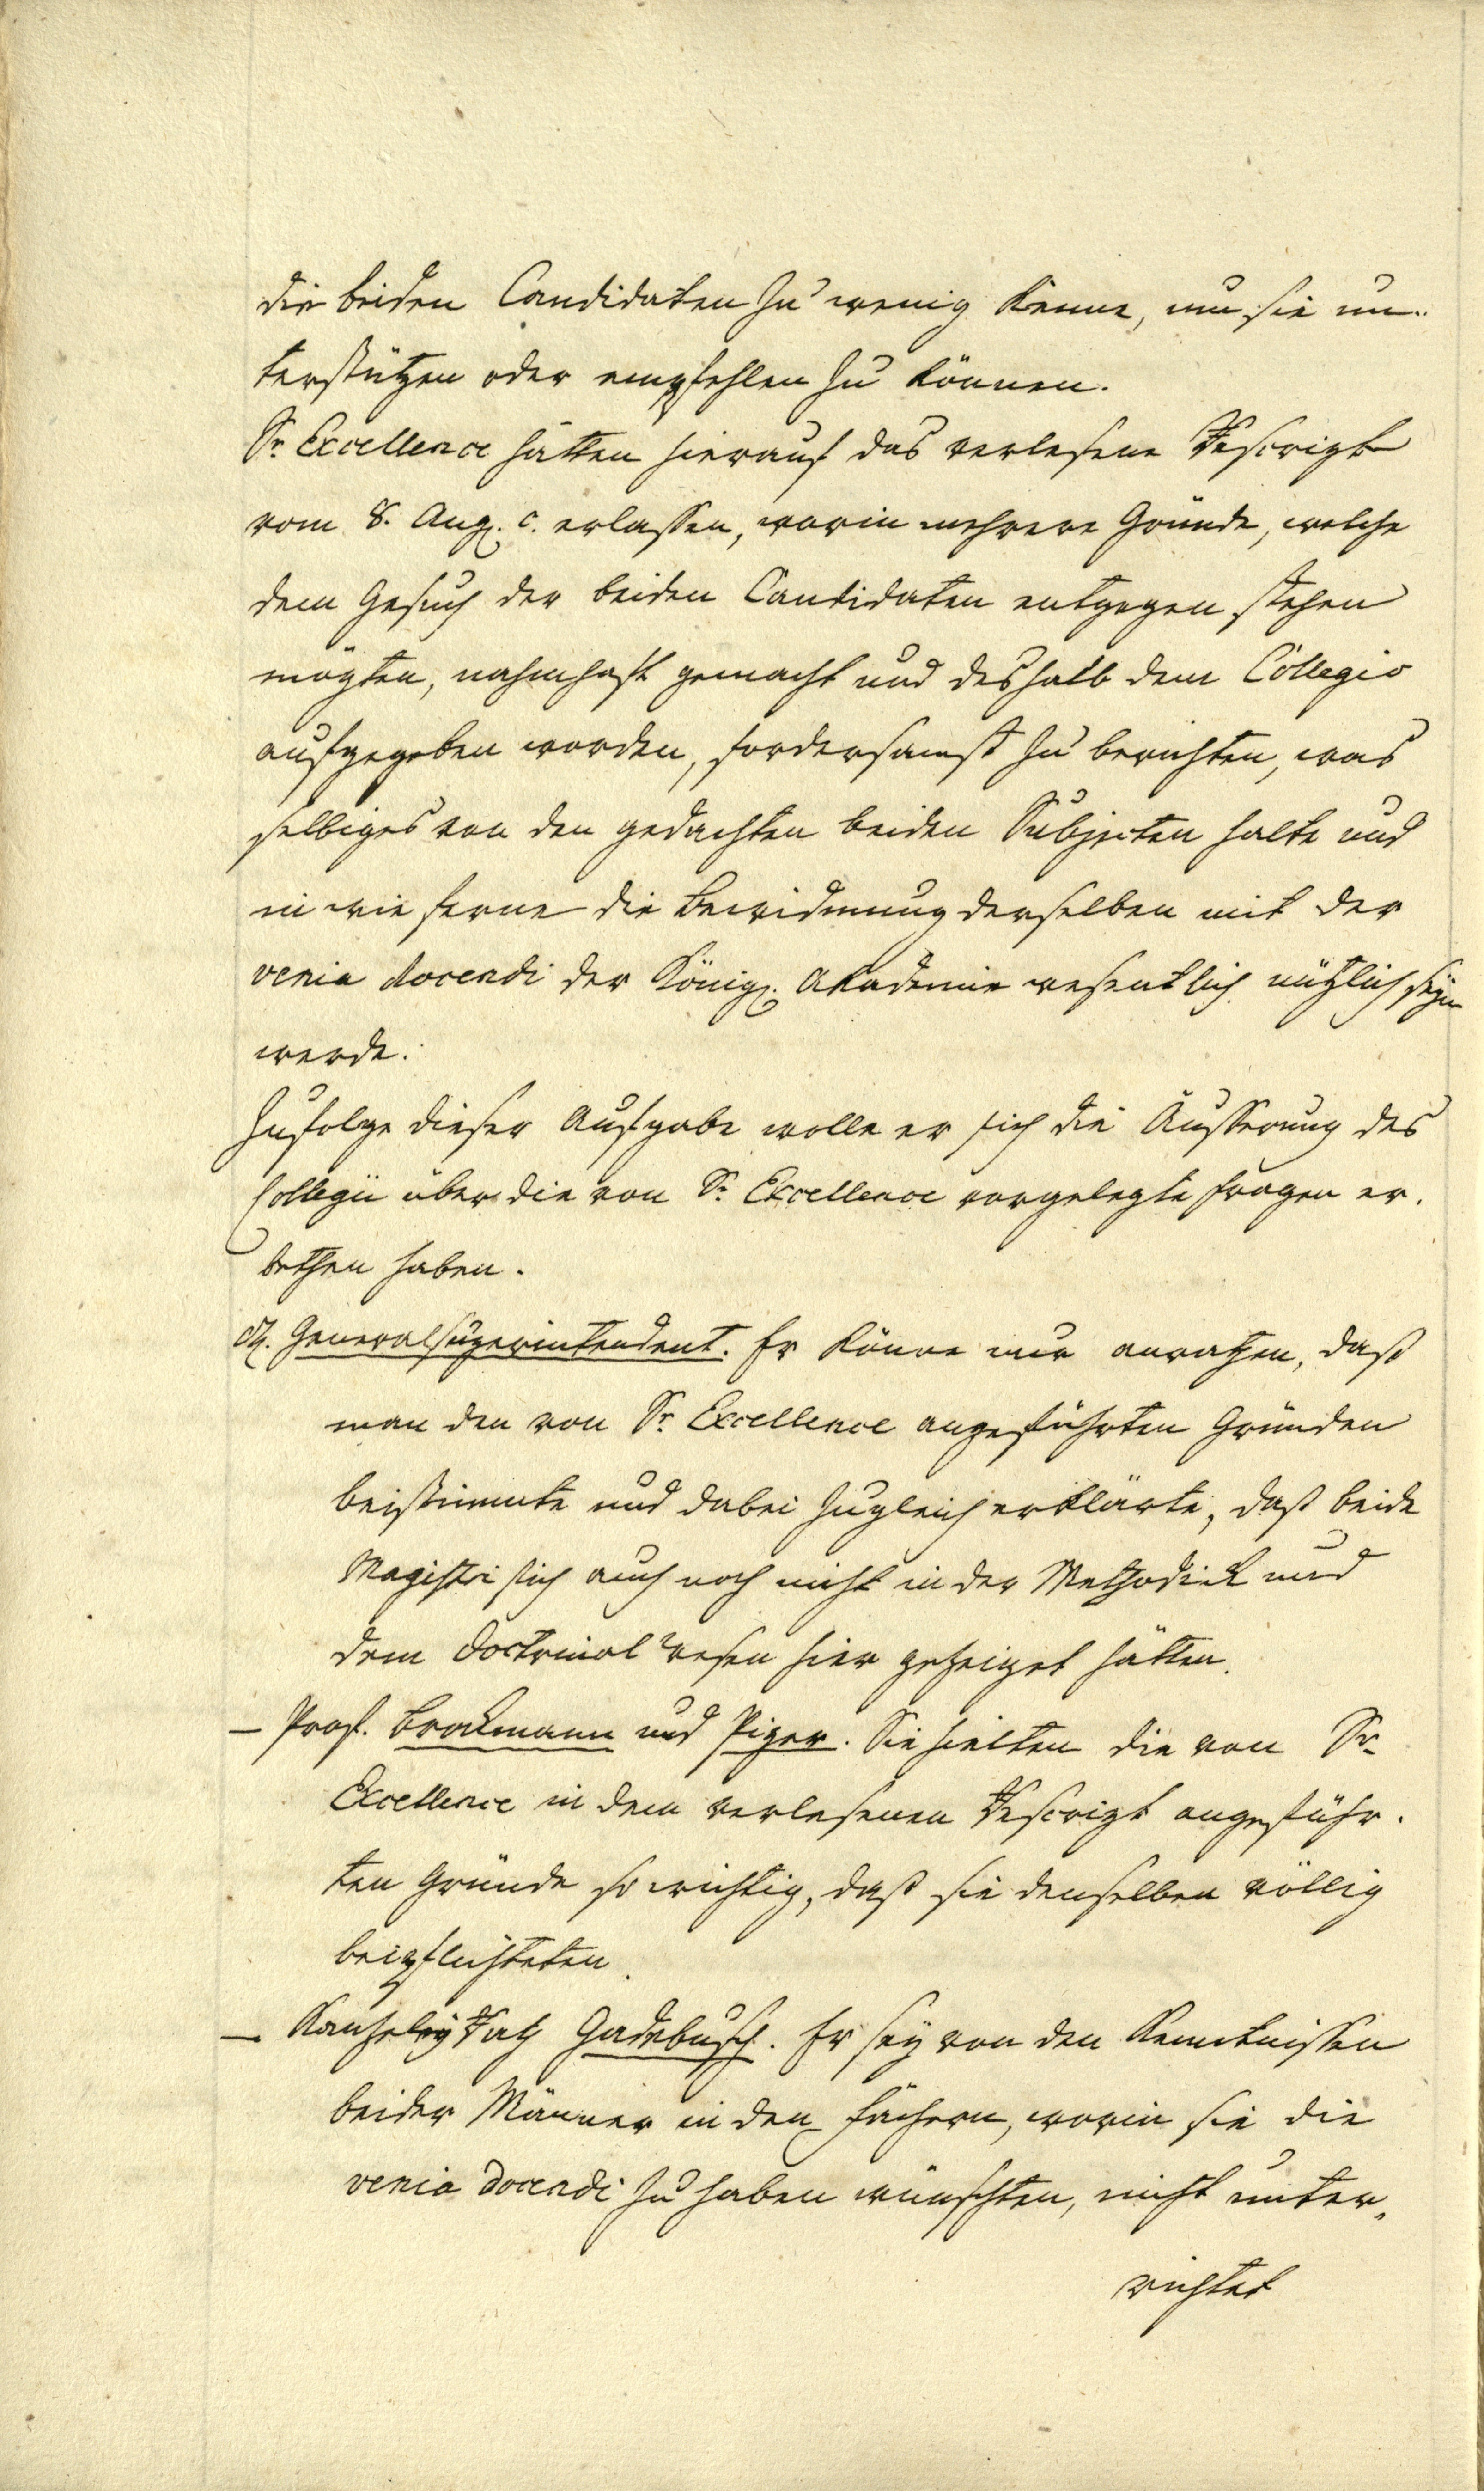die beiden Candidaten zu wenig kenne, um sie un¬
terstützen oder empfehlen zu können.
Sr. Excellence hätten hierauf das verlesene Rescript
vom 8. Aug. c. erlassen, worin mehrere Gründe, welche
dem Gesuch der beiden Candidaten entgegen stehen
mögten, nahmhaft gemacht und deshalb dem Collegio
aufgegeben worden, fordersamst zu berichten, was
selbiges von den gedachten beiden Subjecten halte und
in wie ferne die Bewidmung derselben mit der
venia docendi der Königl. Akademie wesentlich nützlich seÿn
werde.
Zufolge dieser Aufgabe wolle er sich die Äusserung des
Collegi über die von Sr. Excellence vorgelegte Fragen er¬
bethen haben.
dh. Generalsuperintendent. Er könne nur anrathen, daß
man den von Sr. Excellence angeführten Gründen
beistimmte und dabei zugleich erklärte, daß beide
Magistri sich auch noch nicht in der Methodick und
dem Doctrinal Wesen hier gezeiget hätten.
Prof. Brockmann und Piper. Sie hielten die von Sr.
Excellence in dem verlesenen Rescript angeführ¬
ten Gründe so wichtig, daß sie denselben völlig
beipflichteten.
Kanzeleÿ Rath Gadebusch. Er seÿ von den Kentnissen
beider Männer in den Fächern, worin sie die
venia docendi zu haben wünschten, nicht unter¬
richtet